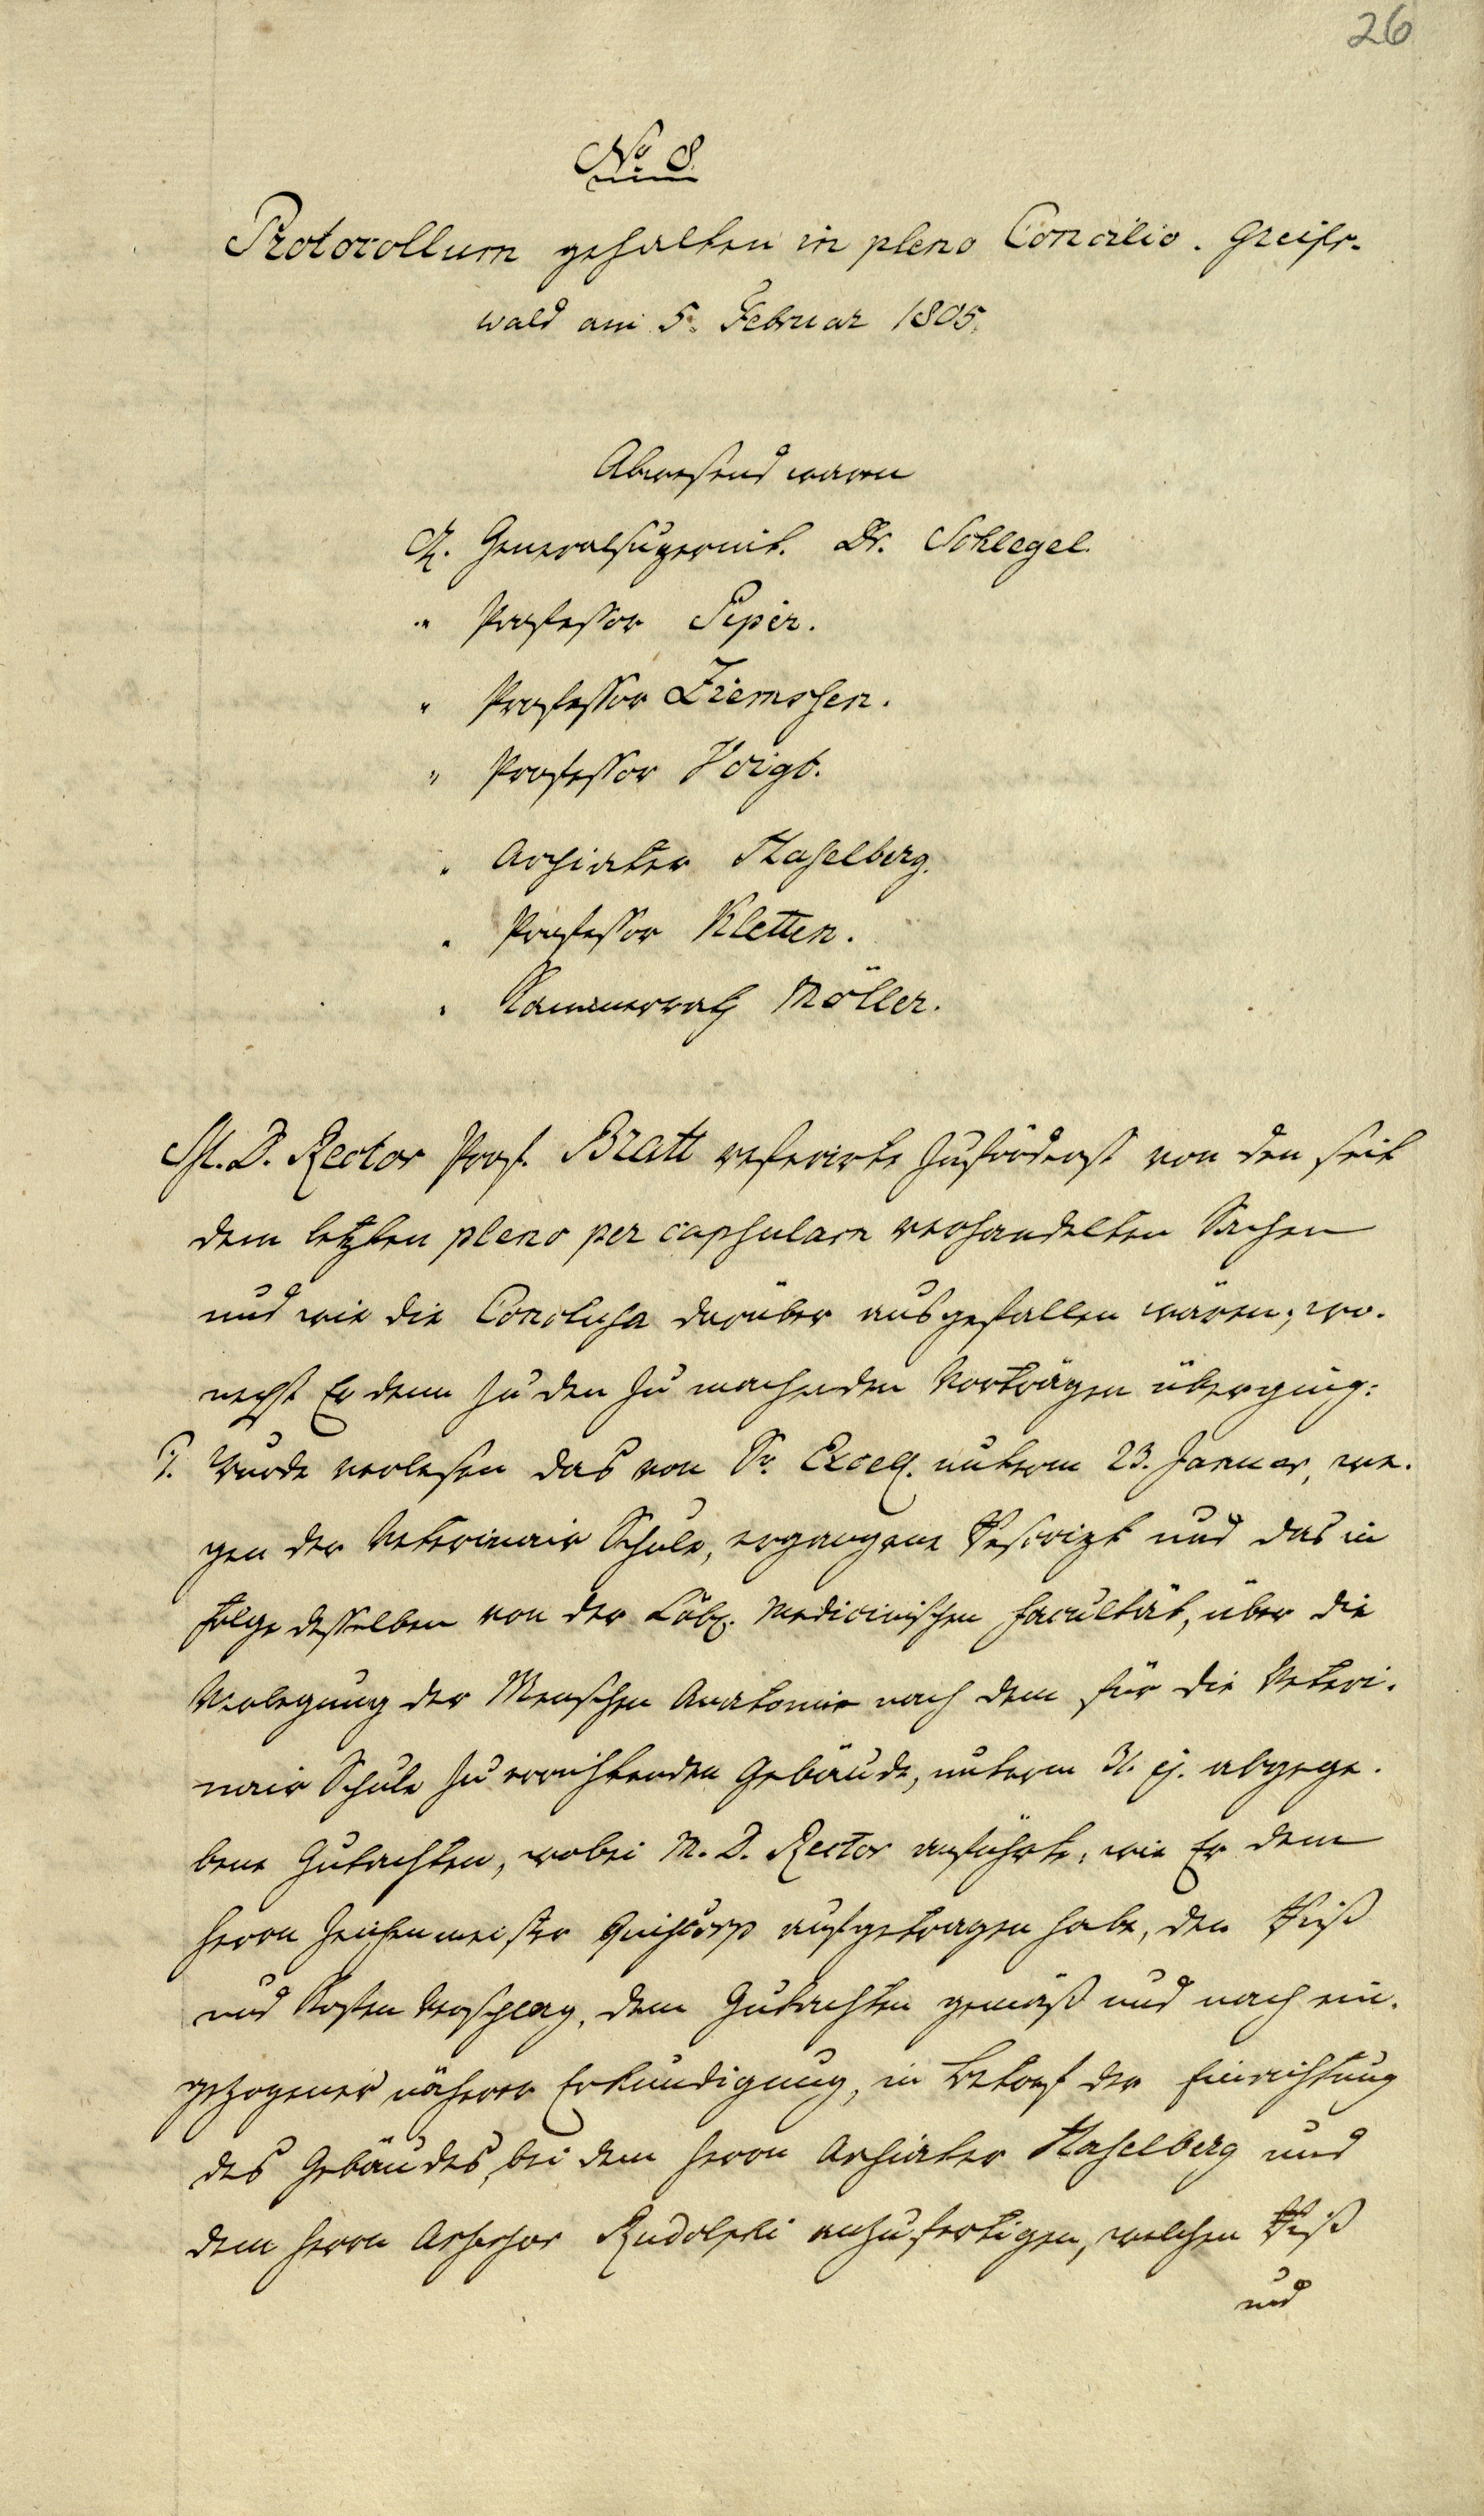No. 8.
Protocollum gehalten in pleno Concilio. Greifs¬
wald am 5. Februar 1805.
Abwesend waren
dh. Generalsuperint. Dr. Schlegel
Professor Piper.
Professor Ziemssen.
Professor Voigt.
Archiater Haselberg.
Professor Kletten.
Kammerrath Möller.
M. D. Rector Prof. Bratt referirte zuförderst von den seit
dem letzten pleno per capsulam verhandelten Sachen
und wie die Conclusa darüber ausgefallen wären; wo¬
nechst Er denn zu den zu machenden Vorträgen überging:
1. Wurde verlesen das von Sr Excell. unterm 23. Januar, we¬
gen der Veterinair Schule, ergangene Rescript und das in
Folge desselben von der Löbl. Medicinischen Facultät, über die
Verlegung der Menschen Anatomie nach dem für die Veteri¬
nair Schule zu errichtenden Gebäude, unterm 21. ej. abgege¬
bene Gutachten, wobei M. D. Rector anführte, wie Er dem
Herrn Zeichenmeister Quistorp aufgetragen habe, den Riß
und Kosten Verschlag, dem Gutachten gemäß und nach ein¬
gezogener näherer Erkundigung, in Betref der Einrichtung
des Gebäudes bei dem Herrn Archiater Haselberg und
dem Herrn Assessor Rudolphi anzufertigen, welchen Riß
und